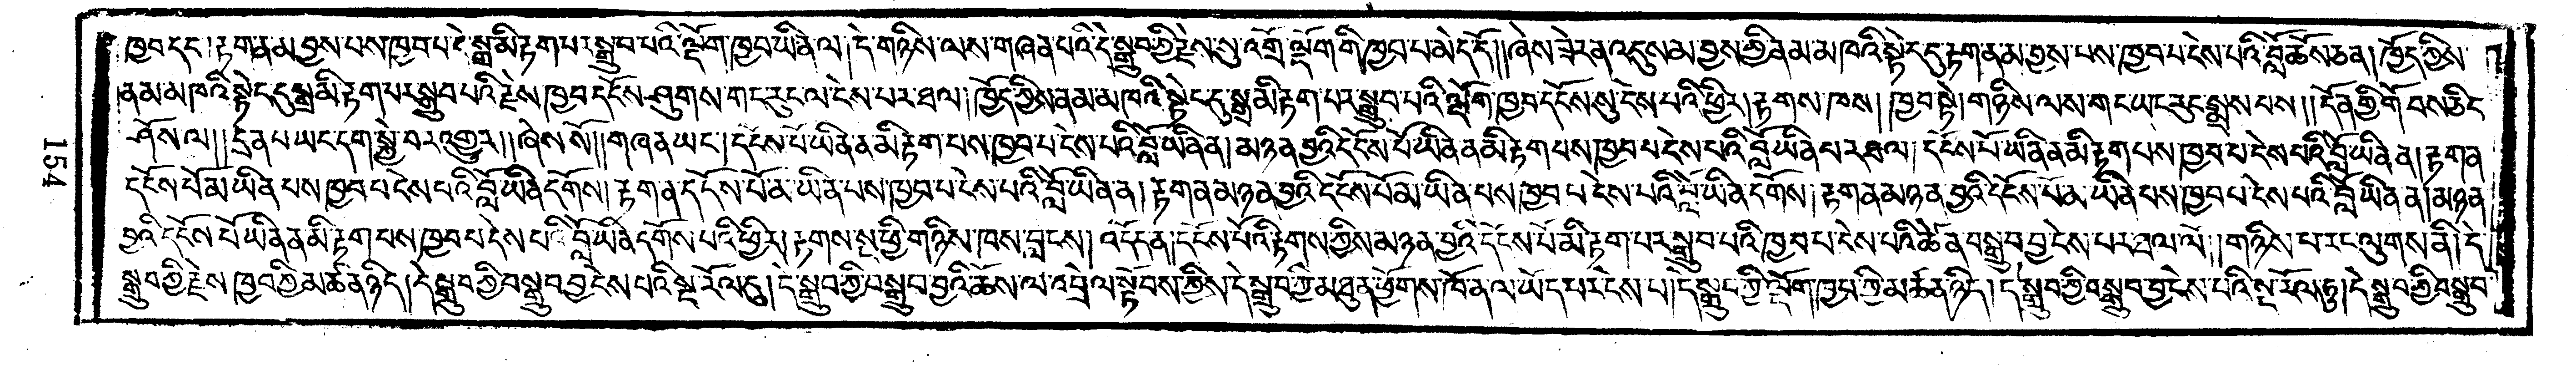ཁྱབ་དང་། རྟག་ན་མ་བྱས་པས་ཁྱབ་པ་དེ་སྒྲ་མི་རྟག་པར་སྒྲུབ་པའི་ལྡོག་ཁྱབ་ཡིན་ལ། དེ་གཉིས་ལས་གཞན་པའི་དེ་སྒྲུབ་ཀྱི་རྗེས་སུ་འགྲོ་ལྡོག་གི་ཁྱབ་པ་མེད་དོ། །ཞེས་ཟེར་ན་འདུས་མ་བྱས་ཀྱི་ནམ་མཁའི་སྟེང་དུ་རྟག་ན་མ་བྱས་པས་ཁྱབ་པ་ངེས་པའི་བློ་ཆོས་ཅན། ཁྱོད་ཀྱིས་
ནམ་མཁའི་སྟེང་དུ་སྒྲ་མི་རྟག་པར་སྒྲུབ་པའི་རྗེས་ཁྱབ་དངོས་ཤུགས་གང་རུང་ལ་ངེས་པར་ཐལ། ཁྱོད་ཀྱིས་ནམ་མཁའི་སྟེང་དུ་སྒྲ་མི་རྟག་པར་སྒྲུབ་པའི་ལྡོག་ཁྱབ་དངོས་སུ་ངེས་པའི་ཕྱིར། རྟགས་ཁས། ཁྱབ་སྟེ། གཉིས་ལས་གང་ཡང་རུང་སྨྲས་པས། །དོན་གྱི་གོ་བས་ཅིག་
ཤོས་ལ། །དྲན་པ་ཡང་དག་སྐྱེ་བར་འགྱུར། །ཞེས་སོ། །གཞན་ཡང་། དངོས་པོ་ཡིན་ན་མི་རྟག་པས་ཁྱབ་པ་ངེས་པའི་བློ་ཡིན་ན། མཉན་བྱའི་དངོས་པོ་ཡིན་ན་མི་རྟག་པས་ཁྱབ་པ་ངེས་པའི་བློ་ཡིན་པར་ཐལ། དངོས་པོ་ཡིན་ན་མི་རྟག་པས་ཁྱབ་པ་ངེས་པའི་བློ་ཡིན་ན། རྟག་ན་
དངོས་པོ་མ་ཡིན་པས་ཁྱབ་པ་ངེས་པའི་བློ་ཡིན་དགོས། རྟག་ན་དངོས་པོ་མ་ཡིན་པས་ཁྱབ་པ་ངེས་པའི་བློ་ཡིན་ན། རྟག་ན་མཉན་བྱའི་དངོས་པོ་མ་ཡིན་པས་ཁྱབ་པ་ངེས་པའི་བློ་ཡིན་དགོས། རྟག་ན་མཉན་བྱའི་དངོས་པོ་མ་ཡིན་པས་ཁྱབ་པ་ངེས་པའི་བློ་ཡིན་ན། མཉན་
བྱའི་དངོས་པོ་ཡིན་ན་མི་རྟག་པས་ཁྱབ་པ་ངེས་པའི་བློ་ཡིན་དགོས་པའི་ཕྱིར། རྟགས་སྔ་ཕྱི་གཉིས་ཁས་བླངས། འདོད་ན། དངོས་པོའི་རྟགས་ཀྱིས་མཉན་བྱའི་དངོས་པོ་མི་རྟག་པར་སྒྲུབ་པའི་ཁྱབ་པ་ངེས་པའི་ཚེ་ན་བསྒྲུབ་བྱ་ངེས་པར་ཐལ་ལོ། །གཉིས་པ་རང་ལུགས་ནི། དེ་
སྒྲུབ་ཀྱི་རྗེས་ཁྱབ་ཀྱི་མཚན་ཉིད། དེ་སྒྲུབ་ཀྱི་བསྒྲུབ་བྱ་ངེས་པའི་སྔ་རོལ་དུ། དེ་སྒྲུབ་ཀྱི་བསྒྲུབ་བྱའི་ཆོས་ལ་འབྲེལ་སྟོབས་ཀྱིས་དེ་སྒྲུབ་ཀྱི་མཐུན་ཕྱོགས་ཁོ་ན་ལ་ཡོད་པར་ངེས་པ། དེ་སྒྲུབ་ཀྱི་ལྡོག་ཁྱབ་ཀྱི་མཚན་ཉིད། དེ་སྒྲུབ་ཀྱི་བསྒྲུབ་བྱ་ངེས་པའི་སྔ་རོལ་ཏུ། དེ་སྒྲུབ་ཀྱི་བསྒྲུབ་